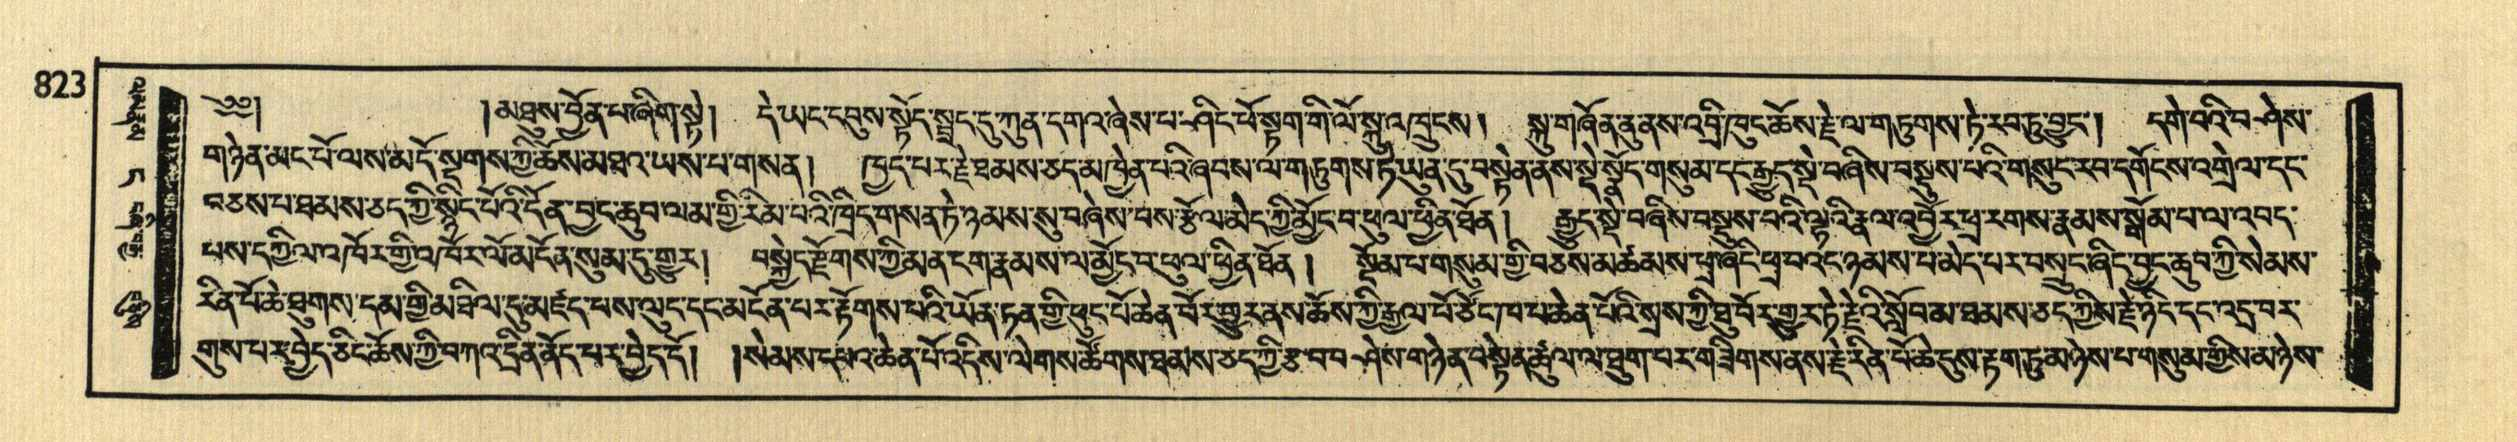༄༅། །མཐུས་བྱོན་པ་ཞིག་སྟེ། དེ་ཡང་དབུས་སྟོད་སྦྲང་དུ་ཀུན་དགའ་ཞེས་པ་ཤིང་ཕོ་སྟག་གི་ལོ་སྐུ་འཁྲུངས། སྐུ་གཞོན་ནུ་ནས་འབྲི་ཁུང་ཆོས་རྗེ་ལ་གཏུགས་ཏེ་རབ་ཏུ་བྱུང་། དགེ་བའི་བཤེས་
གཉེན་མང་པོ་ལས་མདོ་སྔགས་ཀྱི་ཆོས་མཐའ་ཡས་པ་གསན། ཁྱད་པར་རྗེ་ཐམས་ཅད་མཁྱེན་པའི་ཞབས་ལ་གཏུགས་ཏེ་ཡུན་དུ་བསྟེན་ནས་སྡེ་སྣོད་གསུམ་དང་རྒྱུད་སྡེ་བཞིས་བསྡུས་པའི་གསུང་རབ་དགོངས་འགྲེལ་དང་
བཅས་པ་ཐམས་ཅད་ཀྱི་སྙིང་པོའི་དོན་བྱང་ཆུབ་ལམ་གྱི་རིམ་པའི་ཁྲིད་གསན་ཏེ་ཉམས་སུ་བཞེས་པས་རྩོལ་མེད་ཀྱི་མྱོང་བ་ཕུལ་ཕྱིན་ཐོན། རྒྱུད་སྡེ་བཞིས་བསྡུས་བའི་ལྷའི་རྣལ་འབྱོར་ཕྲ་རགས་རྣམས་སྒོམ་པ་ལ་འབད་
པས་དཀྱིལ་འཁོར་གྱི་འཁོར་ལོ་མངོན་སུམ་དུ་གྱུར། བསྐྱེད་རྫོགས་ཀྱི་མན་ངག་རྣམས་ལ་མྱོང་བ་ཕུལ་ཕྱིན་ཐོན། སྡོམ་པ་གསུམ་གྱི་བཅས་མཚམས་ཕྲ་ཞིང་ཕྲ་བའང་ཉམས་པ་མེད་པར་བསྲུང་ཞིང་བྱང་ཆུབ་ཀྱི་སེམས་
རིན་པོ་ཆེ་ཐུགས་དམ་གྱི་མཐིལ་དུ་མཛད་པས་ལུང་དང་མངོན་པར་རྟོགས་པའི་ཡོན་ཏན་གྱི་ཕུང་པོ་ཆེན་བོར་གྱུར་ནས་ཆོས་ཀྱི་རྒྱལ་པོ་ཙོང་ཁ་པ་ཆེན་པོའི་སྲས་ཀྱི་ཐུ་བོར་གྱུར་ཏེ་རྗེའི་སློབ་མ་ཐམས་ཅད་ཀྱིས་རྗེ་ཉིད་དང་འདྲ་བར་
གུས་པར་བྱེད་ཅིང་ཆོས་ཀྱི་བཀའ་དྲིན་ནོད་པར་བྱེད་དོ། །སེམས་དཔའ་ཆེན་པོ་འདིས་ལེགས་ཚོགས་ཐམས་ཅད་ཀྱི་རྩ་བ་བཤེས་གཉེན་བསྟེན་ཚུལ་ལ་ཐུག་པར་གཟིགས་ནས་རྗེ་རིན་པོ་ཆེ་དུས་རྟག་ཏུ་མཉེས་པ་གསུམ་གྱིས་མཉེས་